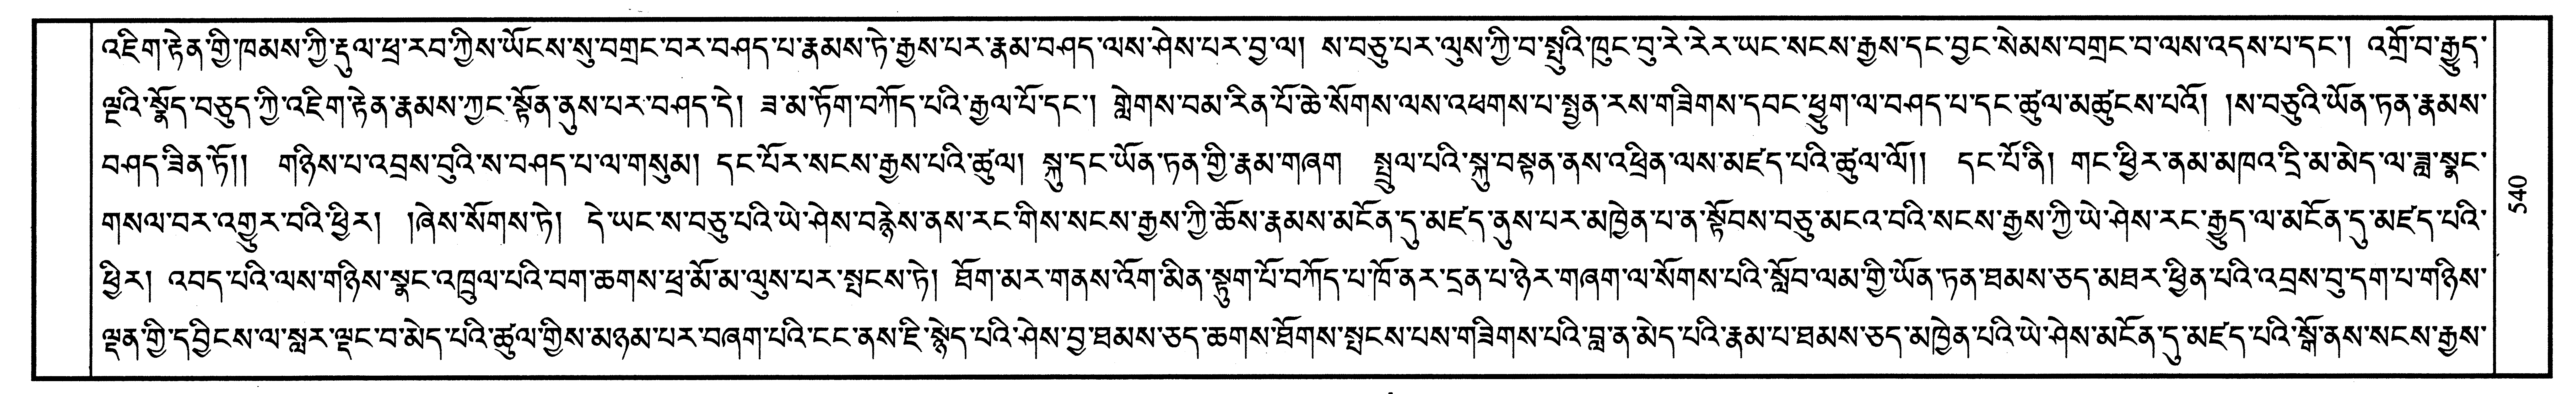འཇིག་རྟེན་གྱི་ཁམས་ཀྱི་རྡུལ་ཕྲ་རབ་ཀྱིས་ཡོངས་སུ་བགྲང་བར་བཤད་པ་རྣམས་ཏེ་རྒྱས་པར་རྣམ་བཤད་ལས་ཤེས་པར་བྱ་ལ། ས་བཅུ་པར་ལུས་ཀྱི་བ་སྤུའི་ཁུང་བུ་རེ་རེར་ཡང་སངས་རྒྱས་དང་བྱང་སེམས་བགྲང་བ་ལས་འདས་པ་དང་། འགྲོ་བ་རྒྱུད་
ལྔའི་སྣོད་བཅུད་ཀྱི་འཇིག་རྟེན་རྣམས་ཀྱང་སྟོན་ནུས་པར་བཤད་དེ། ཟ་མ་ཏོག་བཀོད་པའི་རྒྱལ་པོ་དང་། གླེགས་བམ་རིན་པོ་ཆེ་སོགས་ལས་འཕགས་པ་སྤྱན་རས་གཟིགས་དབང་ཕྱུག་ལ་བཤད་པ་དང་ཚུལ་མཚུངས་པའོ། །ས་བཅུའི་ཡོན་ཏན་རྣམས་
བཤད་ཟིན་ཏོ།། གཉིས་པ་འབྲས་བུའི་ས་བཤད་པ་ལ་གསུམ། དང་པོར་སངས་རྒྱས་པའི་ཚུལ། སྐུ་དང་ཡོན་ཏན་གྱི་རྣམ་གཞག་སྤྲུལ་པའི་སྐུ་བསྟན་ནས་འཕྲིན་ལས་མཛད་པའི་ཚུལ་ལོ།། དང་པོ་ནི། གང་ཕྱིར་ནམ་མཁའ་དྲི་མ་མེད་ལ་ཟླ་སྣང་
གསལ་བར་འགྱུར་བའི་ཕྱིར། །ཞེས་སོགས་ཏེ། དེ་ཡང་ས་བཅུ་པའི་ཡེ་ཤེས་བརྙེས་ནས་རང་གིས་སངས་རྒྱས་ཀྱི་ཆོས་རྣམས་མངོན་དུ་མཛད་ནུས་པར་མཁྱེན་པ་ན་སྟོབས་བཅུ་མངའ་བའི་སངས་རྒྱས་ཀྱི་ཡེ་ཤེས་རང་རྒྱུད་ལ་མངོན་དུ་མཛད་པའི་
ཕྱིར། འབད་པའི་ལས་གཉིས་སྣང་འཁྲུལ་པའི་བག་ཆགས་ཕྲ་མོ་མ་ལུས་པར་སྤངས་ཏེ། ཐོག་མར་གནས་འོག་མིན་སྟུག་པོ་བཀོད་པ་ཁོ་ནར་དྲན་པ་ཉེར་གཞག་ལ་སོགས་པའི་སློབ་ལམ་གྱི་ཡོན་ཏན་ཐམས་ཅད་མཐར་ཕྱིན་པའི་འབྲས་བུ་དག་པ་གཉིས་
ལྡན་གྱི་དབྱིངས་ལ་སླར་ལྡང་བ་མེད་པའི་ཚུལ་གྱིས་མཉམ་པར་བཞག་པའི་ངང་ནས་ཇི་སྙེད་པའི་ཤེས་བྱ་ཐམས་ཅད་ཆགས་ཐོགས་སྤངས་པས་གཟིགས་པའི་བླ་ན་མེད་པའི་རྣམ་པ་ཐམས་ཅད་མཁྱེན་པའི་ཡེ་ཤེས་མངོན་དུ་མཛད་པའི་སྒོ་ནས་སངས་རྒྱས་